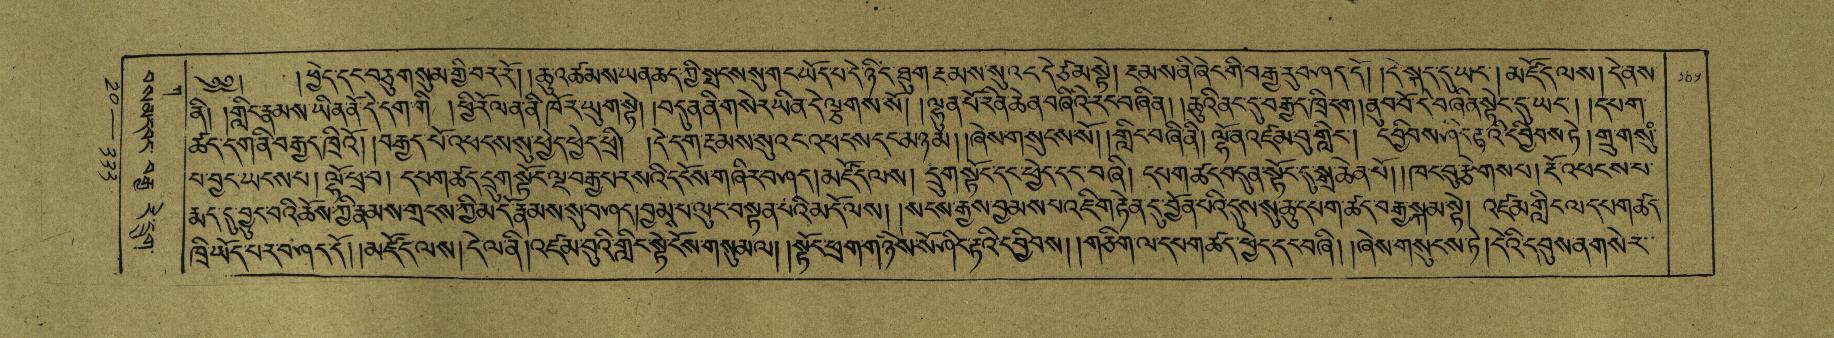༄༅། །ཕྱེད་དང་བཅུ་གསུམ་གྱི་བར་རོ། །ཆུ་འཚམས་ཡན་ཆད་ཀྱི་སྤངས་སུ་གང་ཡོད་པ་དེ་ཉིད་ཐུག་རྔམས་སུ་འང་དེ་ཙམ་སྟེ། རྔམས་ནི་ཞེང་གི་བརྒྱ་རུ་བཤད་དོ། །དེ་སྐད་དུ་ཡང་། མཛོད་ལས། དེ་ནས་
ནི། །གླིང་རྣམས་ཡིན་ནོ་དེ་དག་གི། །ཕྱི་རོལ་ན་ནི་ཁོར་ཡུག་སྟེ། །བདུན་ནི་གསེར་ཡིན་དེ་ལྕགས་སོ། །ལྷུན་པོ་རིན་ཆེན་བཞིའི་རང་བཞིན། །ཆུའི་ནང་དུ་བརྒྱད་ཁྲི་དག །ནུབ་བོ་དེ་བཞིན་སྟེང་དུ་ཡང་། །དཔག་
ཚད་དག་ནི་བརྒྱད་ཁྲིའོ། །བརྒྱད་པོ་འཕངས་སུ་ཕྱེད་ཕྱེད་ཕྲི། །དེ་དག་རྔམས་སུ་འང་འཕངས་དང་མཉམ། །ཞེས་གསུངས་སོ། །གླིང་བཞི་ནི། ལྷོ་ན་འཛམ་བུ་གླིང་། དབྱིབས་ཤིང་རྟའི་དབྱིབས་ཏེ་།གྲུ་གསུཾ་
པ་བྱང་ཡངས་པ། ལྷོ་ཕྲ་བ། དཔག་ཚད་དྲུག་སྟོང་ལྔ་བརྒྱ་པར་སའི་དངོས་གཞིར་བཤད། མཛོད་ལས། དྲུག་སྟོང་དང་ཕྱེད་དང་བཞི། དཔག་ཚད་བདུན་སྟོང་དུ་སྒྲ་ཆེན་པོ། །ཁང་བུ་རྩེགས་པ། རྡོ་འཕངས་པ་
རྨད་དུ་བྱུང་བའི་ཆོས་ཀྱི་རྣམས་གྲངས་ཀྱི་མདོ་རྣམས་སུ་བཤད། བྱམས་པ་ལུང་བསྟན་པའི་མདོ་ལས། །སངས་རྒྱས་བྱམས་པ་འཇིག་རྟེན་དུ་བྱོན་པའི་དུས་སུ་ཆུ་དཔག་ཚད་བརྒྱ་སྐམ་སྟེ། འཛམ་གླིང་ལ་དཔག་ཚད་
ཁྲི་ཡོད་པར་བཤད་དོ། །མཛོད་ལས། དེ་ལ་ནི། འཛམ་བུའི་གླིང་སྟེ་ངོས་གསུམ་ལ། །སྟོང་ཕྲག་གཉིས་སོ་ཤིང་རྟའི་དབྱིབས། །གཅིག་ལ་དཔག་ཚད་ཕྱེད་དང་བཞི། །ཞེས་གསུངས་ཏེ། དེའི་དབུས་ན་གསེར་